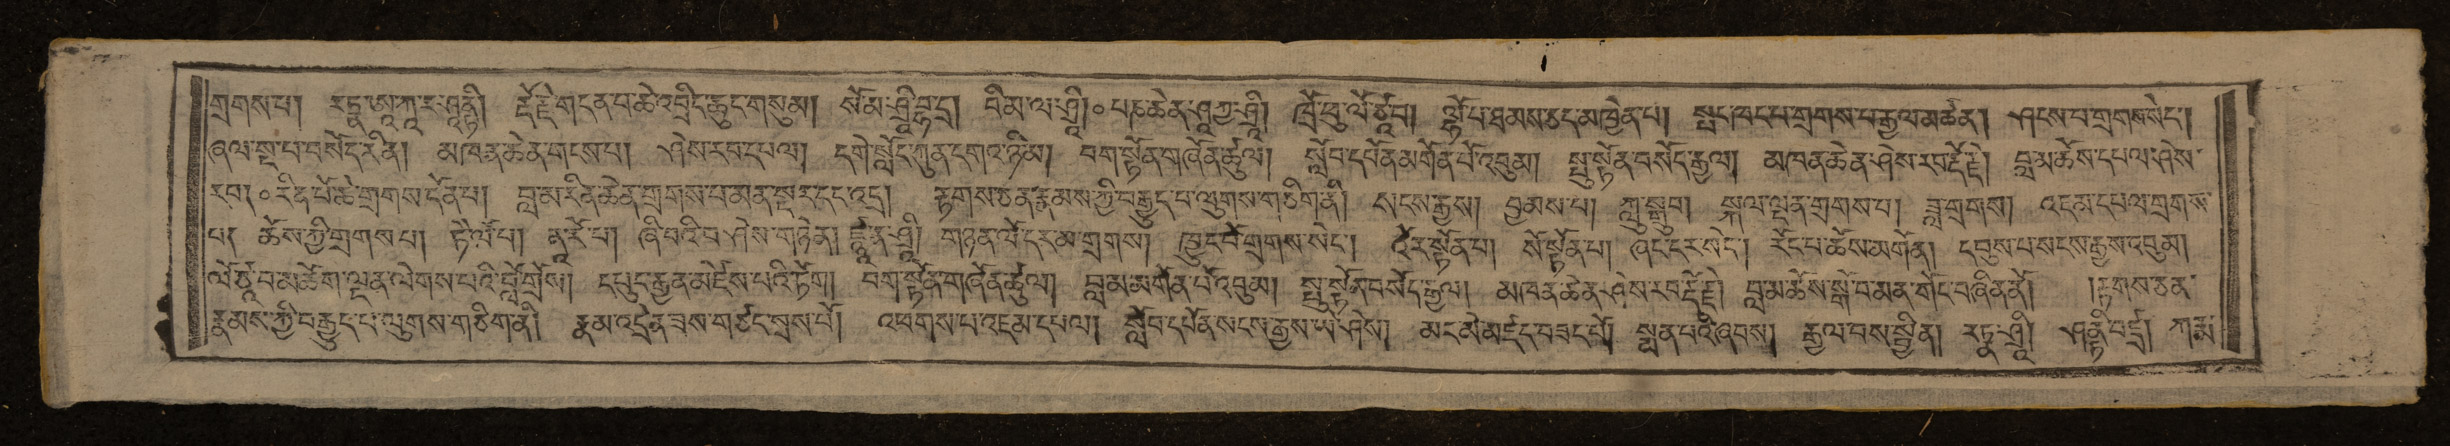གྲགས་པ། རཏྣ་ཨཱ་ཀཱ་ར་ཤཱནྟི། རྡོ་རྗེ་གདན་བ་ཆེ་འབྲིང་ཆུང་གསུམ། སོ་མ་ཤྲཱི་བྷ་དྲ། བིམ་ལ་ཤྲཱི། པཎ་ཆེན་ཤཱཀྱ་ཤྲཱི། ཁྲོ་ཕུ་ལོ་ཙཱ་བ། ལྷོ་པ་ཐམས་ཅད་མཁྱེན་པ། སྤང་ཁང་པ་གྲགས་པ་རྒྱལ་མཚན། ཤངས་པ་གྲགས་སེང་།
ཞལ་སྔ་པ་བསོད་རིན། མཁན་ཆེན་གངས་པ། ཤེས་རབ་དཔལ། དགེ་སློང་ཀུན་དགའ་ཉི་མ། བག་སྟོན་གཞོན་ཚུལ། སློབ་དཔོན་མགོན་པོ་འབུམ། སྤུ་སྟོན་བསོད་རྒྱལ། མཁན་ཆེན་ཤེས་རབ་རྡོ་རྗེ། བླ་མ་ཆོས་དཔལ་ཤེས་
རབ༑ རིན་པོ་ཆེ་གྲགས་དོན་པ། བླ་མ་རིན་ཆེན་གྲགས་པ་མན་སྔར་དང་འདྲ། རྟགས་ཅན་རྣམས་ཀྱི་བརྒྱུད་པ་ལུགས་གཅིག་ནི། སངས་རྒྱས། བྱམས་པ། ཀླུ་སྒྲུབ། སྐལ་ལྡན་གྲགས་པ། ཟླ་གྲགས། འཇམ་དཔལ་གྲགས་
བ༑ ཆོས་ཀྱི་གྲགས་པ། ཏཻ་ལོ་པ། ནཱ་རོ་པ། ཞི་བའི་བཤེས་གཉེན། ཛྙཱ་ན་ཤྲཱི། གཉན་ལོ་དར་མ་གྲགས། ཁྱུང་པོ་གྲགས་སེང་། འོར་སྟོན་པ། སོ་སྟོན་པ། ཞང་དར་སེང་། རོང་པ་ཆོས་མགོན། དབུས་པ་སངས་རྒྱས་འབུམ།
ལོ་ཙཱ་བ་མཆོག་ལྡན་ལེགས་པའི་བློ་གྲོས། དཔུང་རྒྱན་མཛེས་པའི་ཏོག། བག་སྟོན་གཞོན་ཚུལ། བླ་མ་མགོན་པོ་འབུམ། སྤུ་སྟོན་བསོད་རྒྱལ། མཁན་ཆེན་ཤེས་རབ་རྡོ་རྗེ། བླ་མ་ཆོས་སྒོ་བ་མན་གོང་བཞིན་ནོ། །རྟགས་ཅན་
རྣམས་ཀྱི་བརྒྱུད་པ་ལུགས་གཅིག་ནི། རྣམ་འདྲེན་ཟས་གཙང་སྲས་པོ། འཕགས་པ་འཇམ་དཔལ། སློབ་དཔོན་སངས་རྒྱས་ཡེ་ཤེས། མང་མེ་མཛད་བཟང་པོ། སྨན་པའི་ཞབས། རྒྱལ་བས་སྦྱིན། རཏྣ་ཤྲཱི། ཤནྟི་བྫྲ། ཀརྨ་